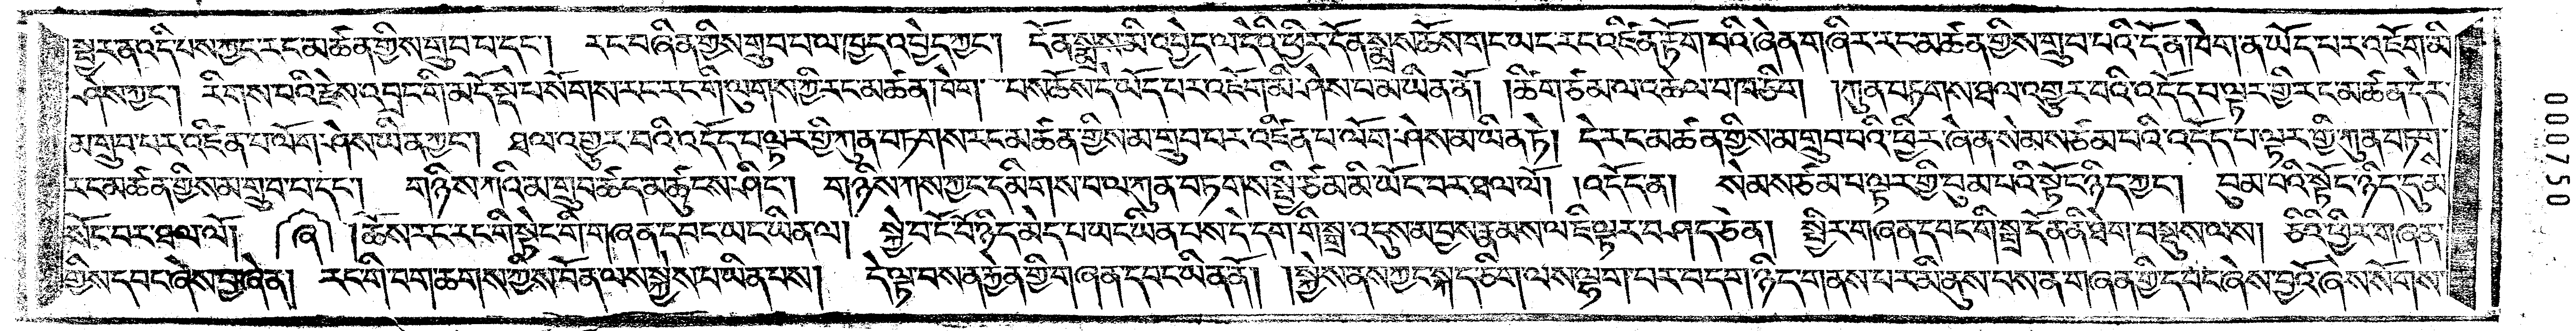སྦྱར་ན་འདི་པས་ཀྱང་རང་མཚན་གྱིས་གྲུབ་པ་དང་། རང་བཞིན་གྱིས་གྲུབ་པ་ལ་ཁྱད་འབྱེད་ཀྱང་། དོན་སྨྲས་མི་འབྱེད་ལ་དེའི་ཕྱིར་དོན་སྨྲས་ཆོས་གང་ཡང་རང་འཛིན་རྟོག་པའི་ཞེན་གཞིར་རང་མཚན་གྱིས་གྲུབ་པའི་དོན་ཁེག་ན་ཡོད་པར་འཇོག་མི་
ཤེས་ཀྱང་། རིགས་པའི་རྗེས་འབྲང་གི་མདོ་སྡེ་པ་སོགས་རང་རང་གི་ལུགས་ཀྱི་རང་མཚན་ཁེག་པས་ཆོས་དེ་ཡོད་པར་འཇོག་མི་ཤེས་པ་མ་ཡིན་ནོ། །ཚིག་ཙམ་ལ་འཆེལ་བ་ཁ་ཅིག །ཀུན་བཏགས་ཐལ་འགྱུར་བའི་འདོད་པ་ལྟར་གྱི་རང་མཚན་དེར་
མ་གྲུབ་པར་འཛིན་པ་ལོག་ཤེས་ཡིན་ཀྱང་། ཐལ་འགྱུར་བའི་འདོད་པ་ལྟར་གྱི་ཀུན་བཏགས་རང་མཚན་གྱིས་མ་གྲུབ་པར་འཛིན་པ་ལོག་ཤེས་མ་ཡིན་ཏེ། དེ་རང་མཚན་གྱིས་མ་གྲུབ་པའི་ཕྱིར་ཞེ་ན་སེམས་ཙམ་པའི་འདོད་པ་ལྟར་གྱི་ཀུན་བཏགས་
རང་མཚན་གྱིས་མ་གྲུབ་པ་དང་། གཉིས་ཀའི་མ་གྲུབ་ཚད་མཚུངས་ཤིང་། གཉིས་ཀས་ཀྱང་དམིགས་པ་ལ་ཀུན་བཏགས་སྤྱི་ཙམ་མི་ཡོང་བར་ཐལ་ལོ། །འདོད་ན། སེམས་ཙམ་པ་ལྟར་གྱི་བུམ་པའི་སྟོང་ཉིད་ཀྱང་། བུམ་པའི་སྟོང་ཉིད་དུ་མི་
སོང་བར་ཐལ་ལོ། ༼ཞ༽ །ཆོས་རང་རང་གི་སྟེང་གི་གཞན་དབང་ཡང་ཡིན་ལ། སྐྱེ་བ་ངོ་བོ་ཉིད་མེད་པ་ཡང་ཡིན་པས་དེ་དག་གི་སྒྲ་འདུས་མ་བྱས་རྣམས་ལ་ཇི་ལྟར་བཤད་ཅེ་ན། སྤྱིར་གཞན་དབང་གི་སྒྲ་དོན་ནི་ཐེག་བསྡུས་ལས། ཅིའི་ཕྱིར་གཞན་
གྱིས་དབང་ཞེས་བྱ་ཞེ་ན། རང་གི་བག་ཆགས་ཀྱི་ས་བོན་ལས་སྐྱེས་པ་ཡིན་པས། དེ་ལྟ་བས་ན་རྐྱེན་གྱི་གཞན་དབང་ཡིན་ནོ། །སྐྱེས་ནས་ཀྱང་སྐད་ཅིག་ལས་ལྷག་པར་བདག་ཉིད་གནས་པར་མི་ནུས་པས་ན་གཞན་གྱི་དབང་ཞེས་བྱའོ་ཞེས་སོགས་